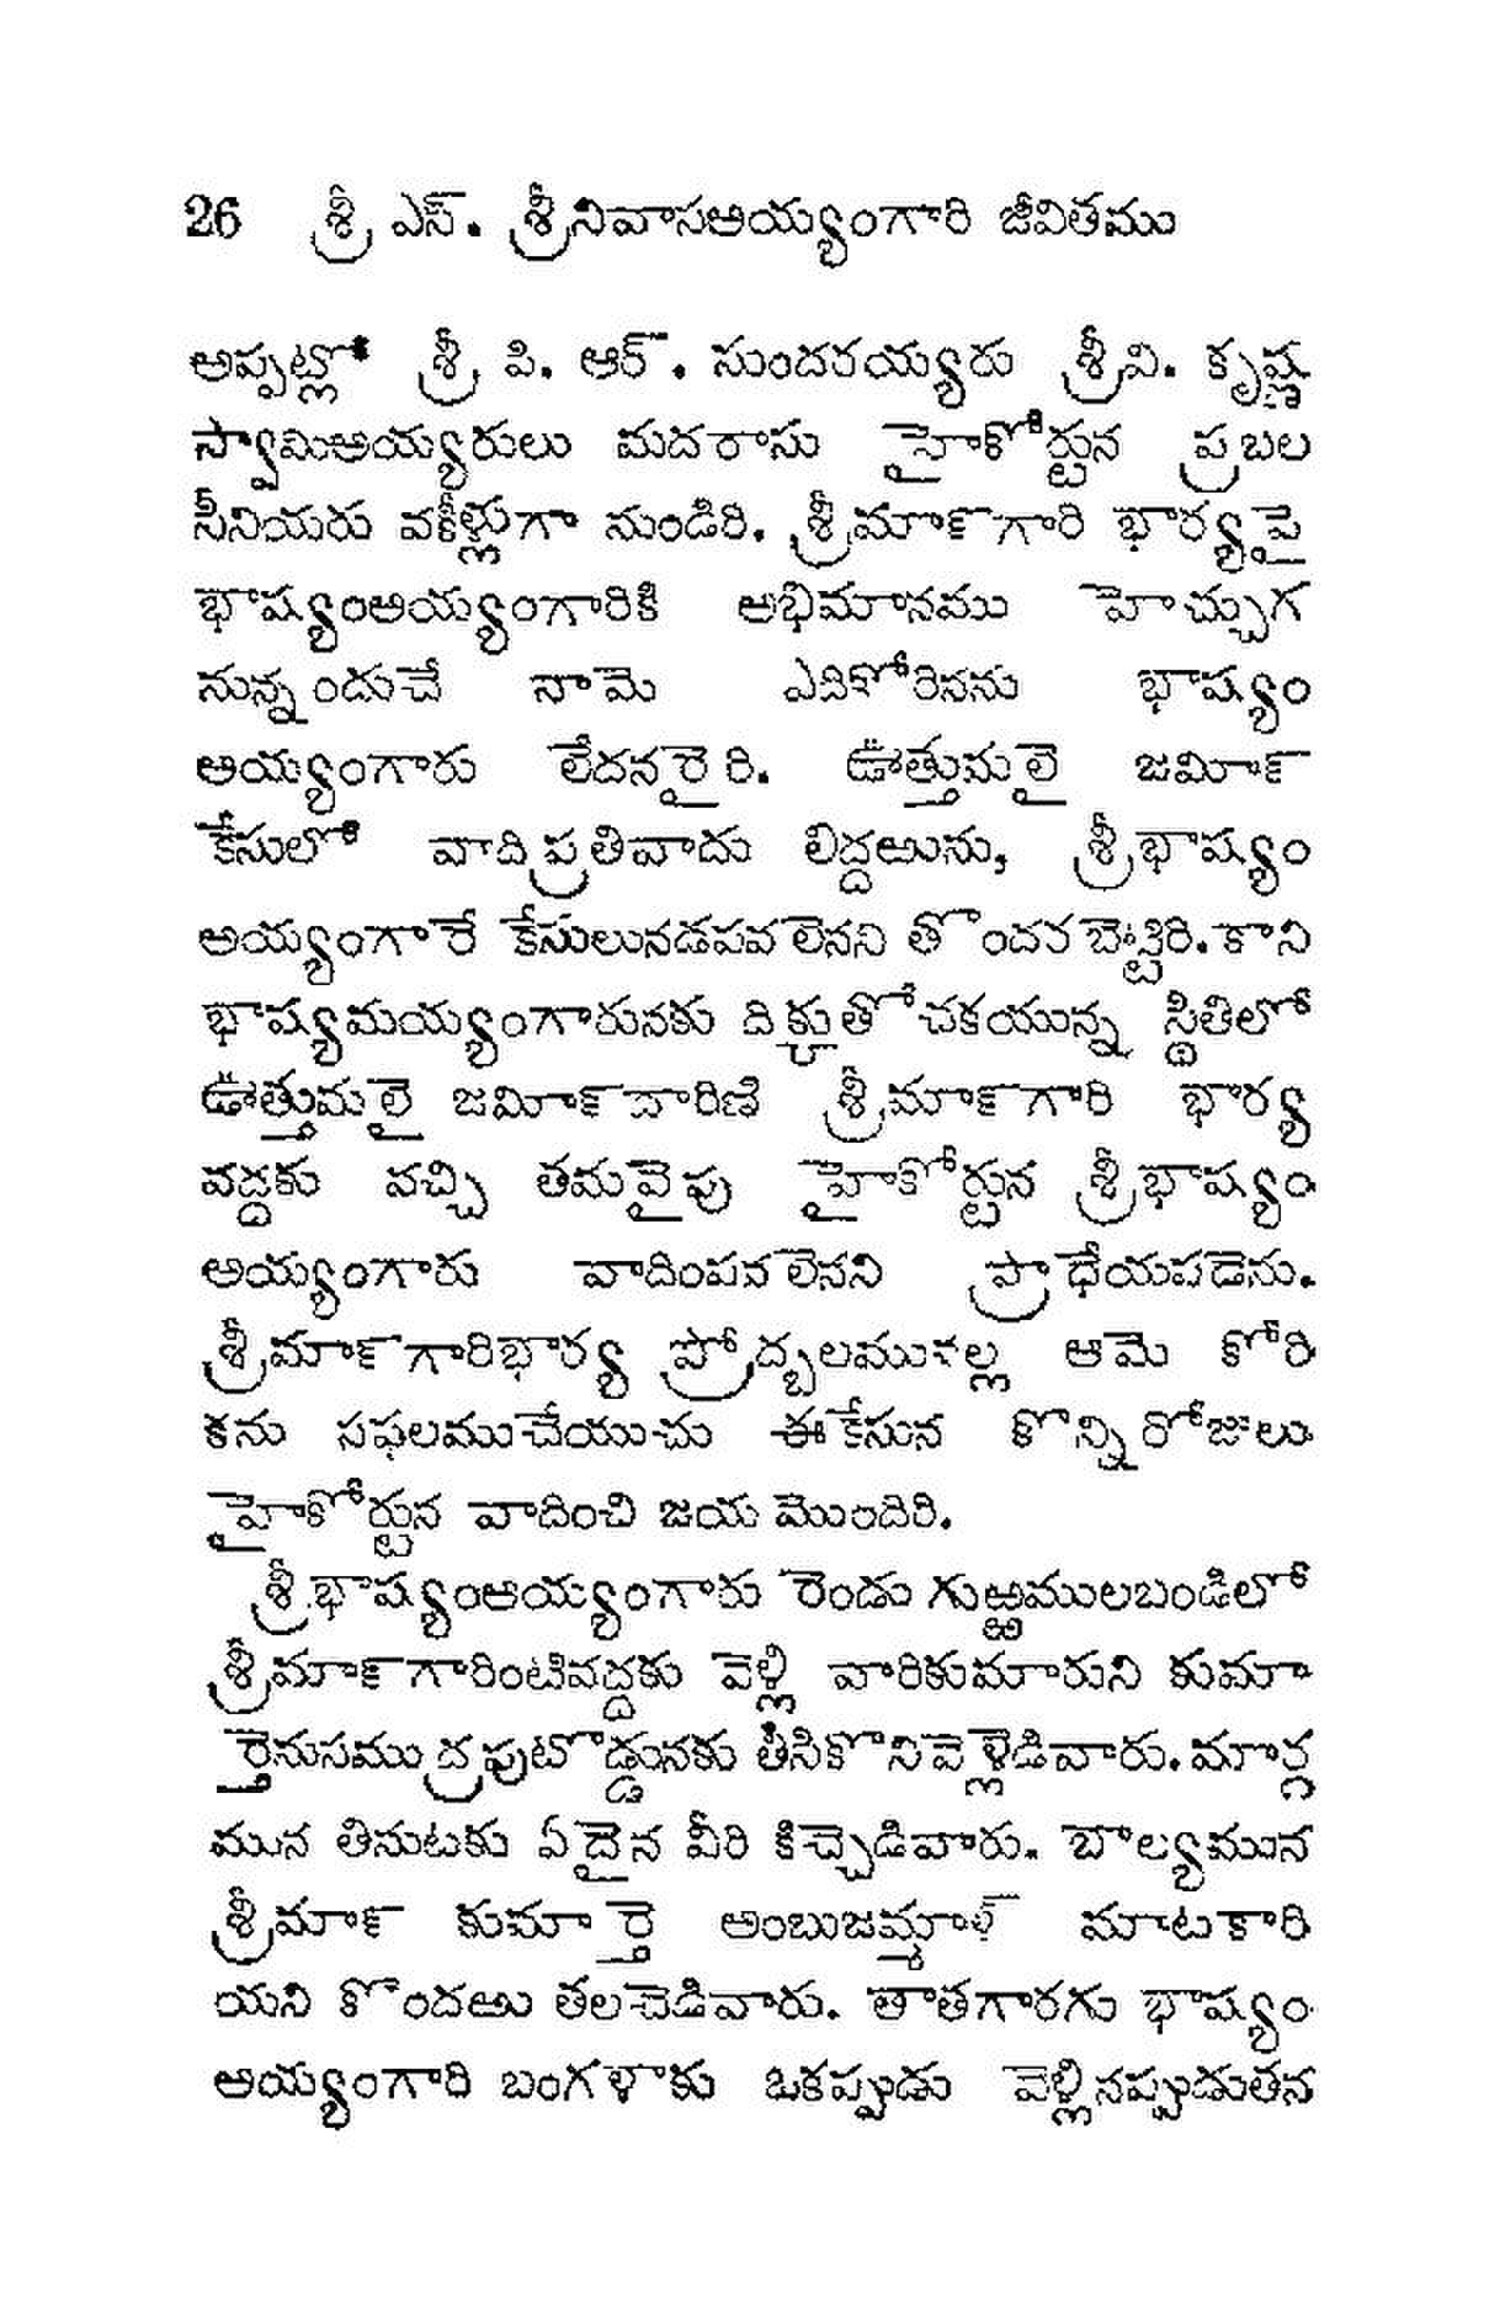అప్పట్లో శ్రీ పి. ఆర్. సుందరయ్యరు శ్రీ వి. కృష్ణస్వామిఅయ్యరులు మదరాసు హైకోర్టున ప్రబల సీనియరు వకీళ్లుగా నుండిరి. శ్రీమ౯గారి భార్యపై భాష్యంఅయ్యంగారికి అభిమానము హెచ్చుగనున్నందుచే నామె ఎదికోరినను భాష్యంఅయ్యంగారు లేదన్నరైరి. ఊత్తుమలై జమీ౯ కేసులో వాదిప్రతివాదు లిద్దఱును, శ్రీభాష్యంఅయ్యంగారే కేసులునడపవలెనని తొందరబెట్టిరి. కాని భాష్యమయ్యంగారునకు దిక్కుతోచకయున్న స్థితిలో ఊత్తుమలై జమీ౯దారిణి శ్రీమా౯గారి భార్యవద్దకు వచ్చి తమవైపు హైకోర్టున శ్రీభాష్యంఅయ్యంగారు వాదింపవలెసని ప్రాధేయపడెను. శ్రీమా౯గారిభార్య ప్రోద్బలమువల్ల ఆమె కోరికను సఫలముచేయుచు ఈకేసున కొన్నిరోజులు హైకోర్టున వాదించి జయమొందిరి. 

శ్రీభాష్యంఆయ్యంగారు రెండు గుఱ్ఱములబండిలో శ్రీమా౯గారింటివద్దకు వెళ్లి వారికుమారుని కుమార్తెనుసముద్రఫుటొడ్డునకు తీసికొనివెళ్లెడివారు. మార్గమున తినుటకు ఏదైన వీరి కిచ్చెడివారు. బాల్యమున శ్రీమా౯ కుమార్తె అంబుజమ్మాల్ మాటకారి యని కొందఱు తలచెడివారు. తాతగారగు భాష్యంఅయ్యంగారి బంగళాకు ఒకప్పుడు వెళ్లినప్పుడు తన